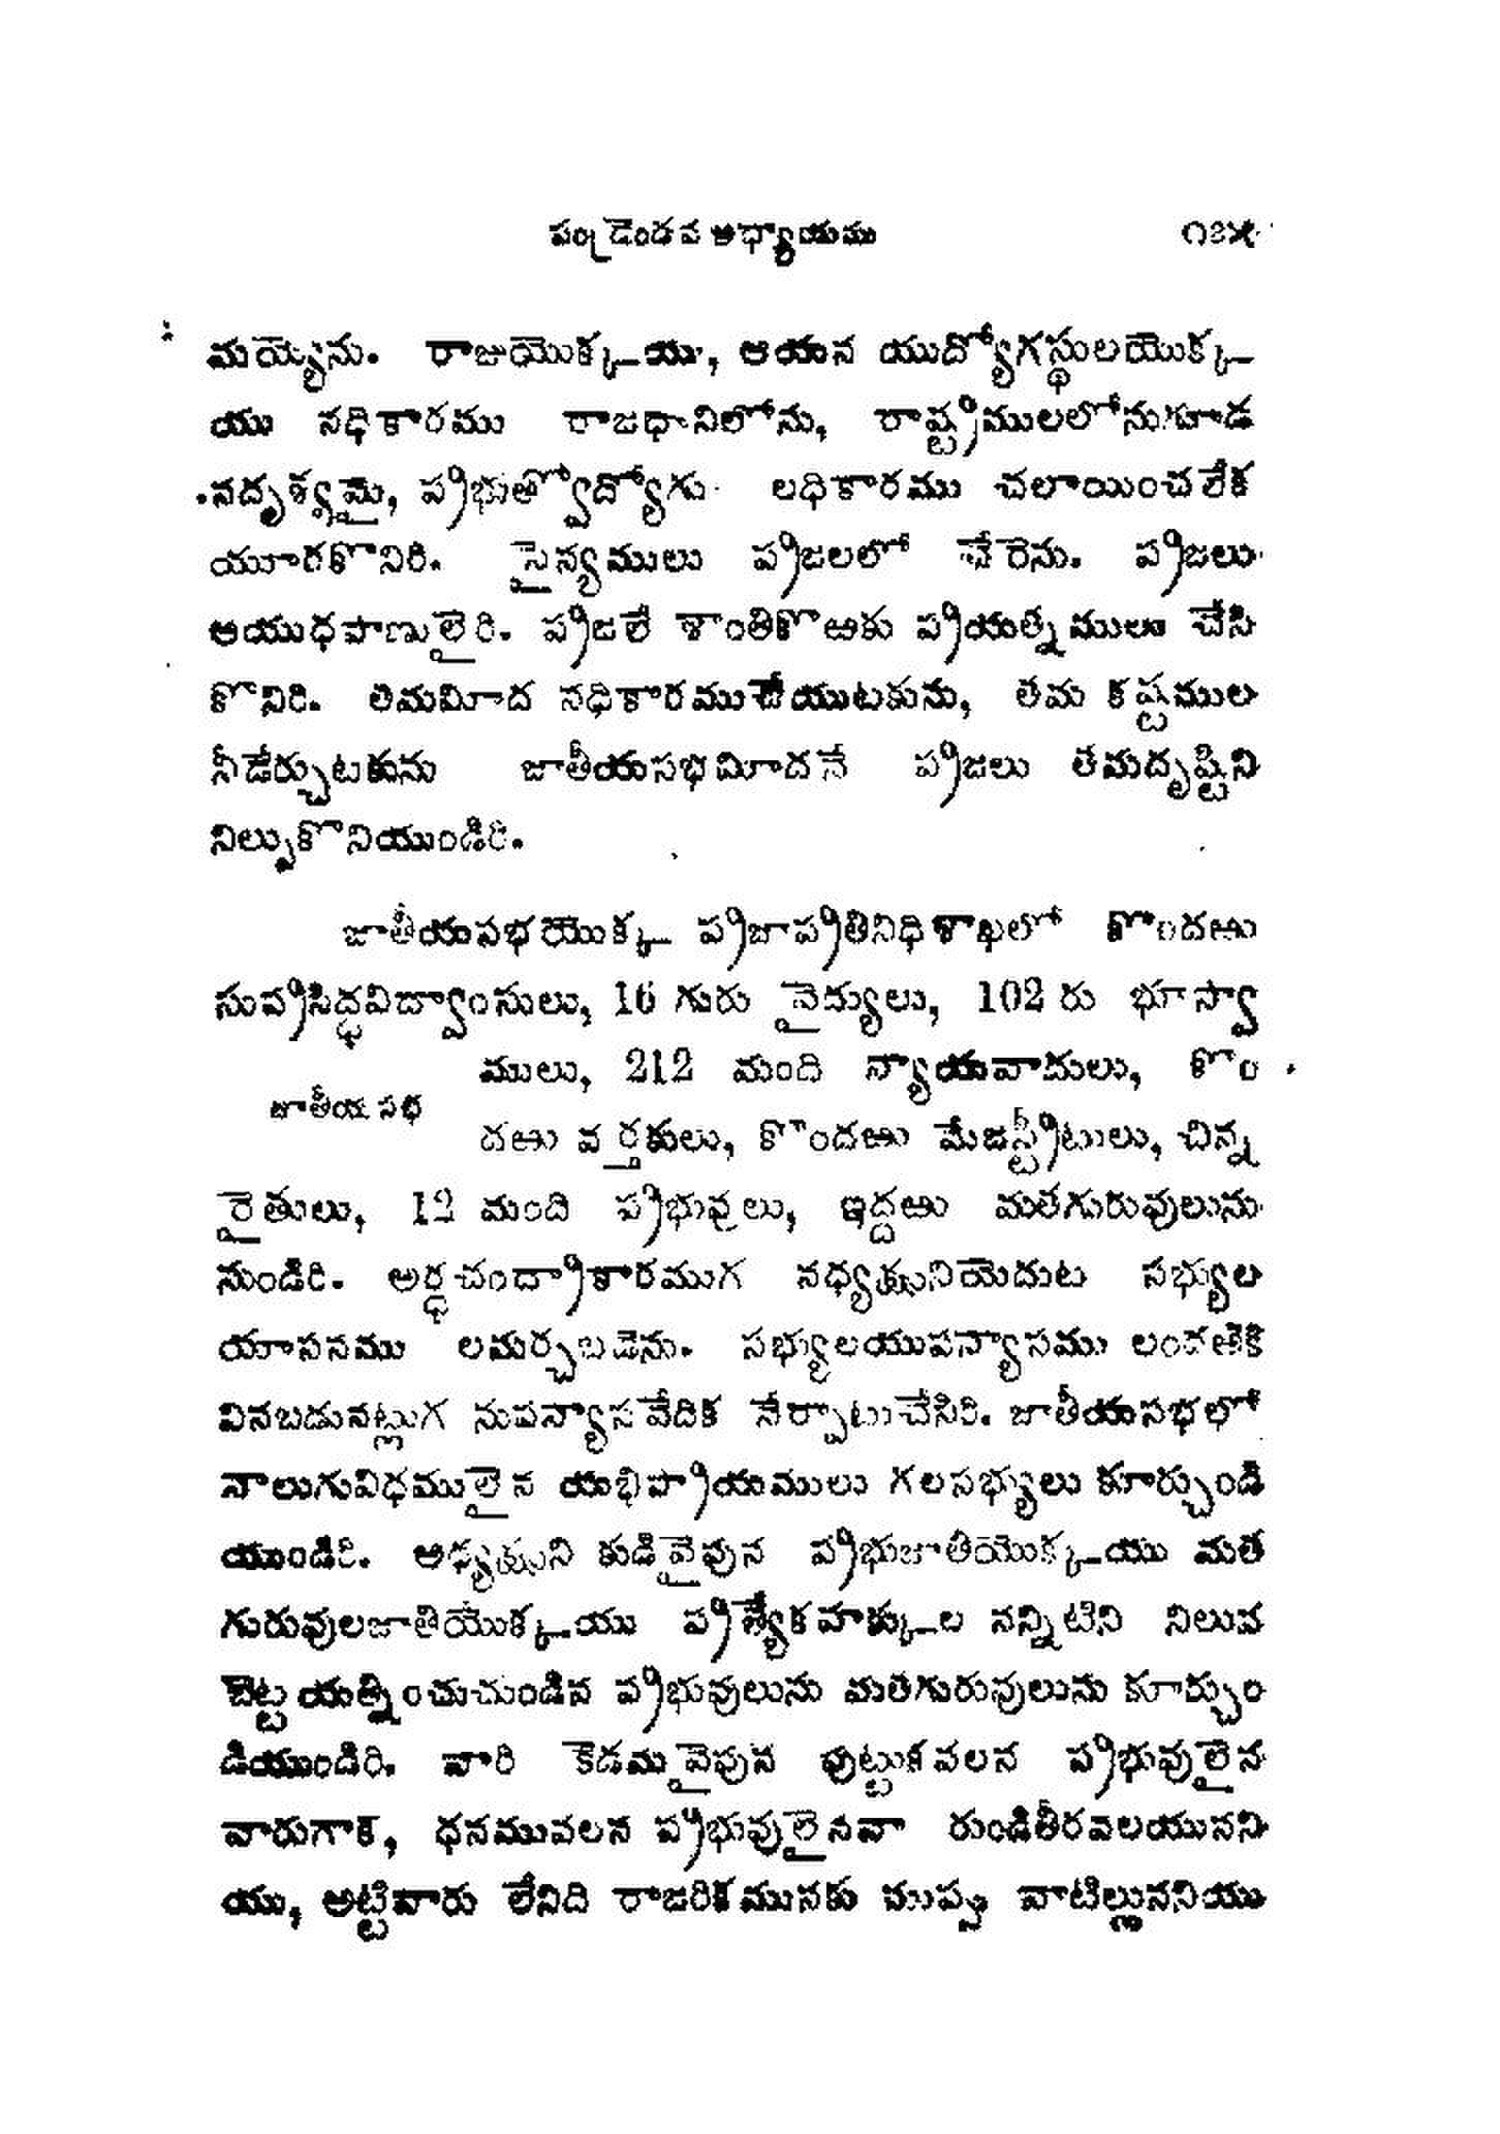జాతీయ సభ
మయ్యెను. రాజుయొక్కయ, ఆయన యుద్యోగస్థుల యొక్క
యు సధికారము రాజధానిలోను, రాష్ట్రములలోను కూడ
సదృశ్యమై, ప్రభుత్వోద్యోగు. లధికారము చలాయించలేక
యూరకొనిరి. సైన్యములు ప్రజలలో చేరెను. ప్రజలు
ఆయుధపాణులైరి. ప్రజలే శాంతికొరకు ప్రయత్నములు చేసి
కొనిరి. తమమీద సధికారము చేయుటకును, తమ కష్టములు
నీడేర్చుటకును జాతీయసభ మీదనే ప్రజలు తమదృష్టిని
నిల్పుకొనియుండిరి.

జాతీయ సభ

జాతీయసభ యొక్క ప్రజాప్రతినిధి శాఖలో కొందరు
సుప్రసిద్ధవిద్వాంసులు, 16 గురు వైద్యులు, 102 రు భూస్వా
ములు, 212 మంది న్యాయవాదులు,కొం
దరు వర్తకులు, కొందఱు మేజిస్ట్రేటులు, చిన్న
రైతులు, 12 మంది ప్రభువులు, ఇద్దరు మతగురువులును
నుండిరి. అర్ధ చంద్రాకారముగ నధ్యక్షుని యెదుట సభ్యుల
యాసనము 'లమర్చబడెను. సభ్యల యుపన్యాసము లందకి
వినబడునట్లుగ నుపన్యాస వేదిక నేర్పాటు చేసిరి. జాతీయసభలో
నాలుగు విధములైన యభిప్రాయములు గల సభ్యులు కూర్చుండి
యుండిరి. అధ్యక్షుని కుడి వైపున ప్రభు జాతియొక్కయు మత
గురువులజాతి యొక్కయు ప్రత్యేక హక్కులు సన్ని టిని నిలువ
బెట్ట యత్నించుచుండిన ప్రభువులుసు మతగురువులును కూర్చుం
డియుండిరి. వారి కెడమ వైపున పుట్టుక వలన ప్రభువులైన
వారుగాక్, ధనమువలన ప్రభువులైనవారుండి తీరవలయునని
యు, అట్టివారు లేనిది రాజరిక ముసకు ముప్పు వాటిల్లుననియు